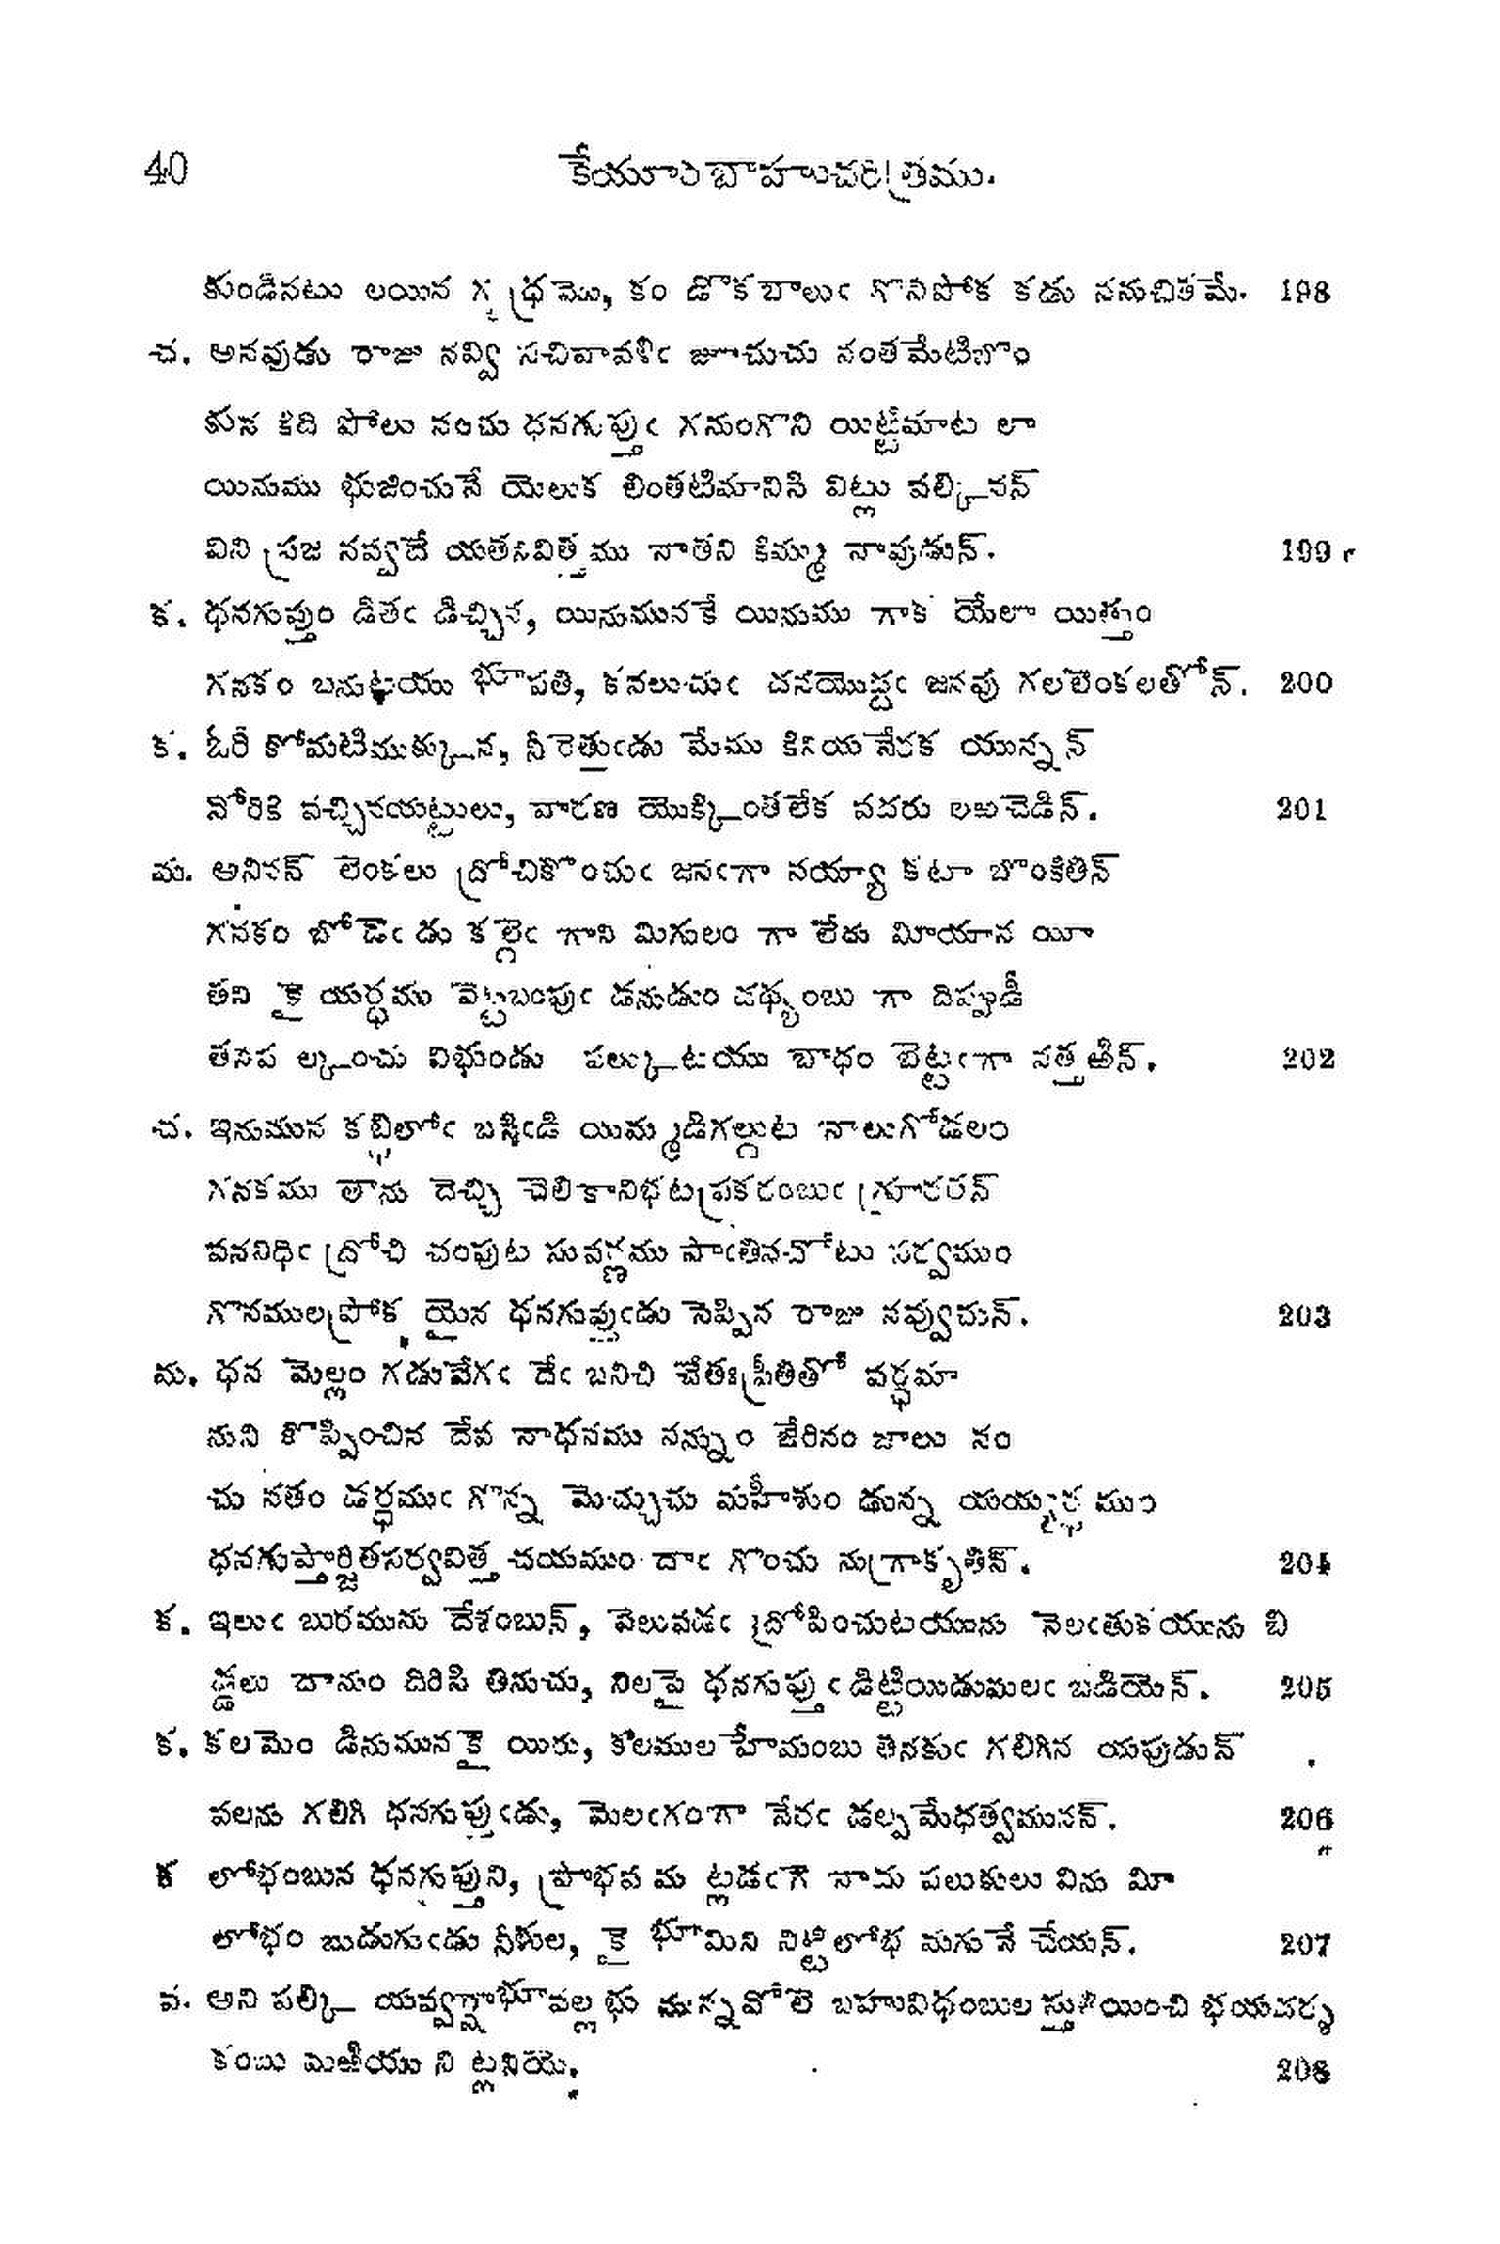కుండినటు లయిన గృధ్ర మొ, కం డొకబాలుఁ గొనిపోక కడు ననుచితమే.
చ. అనవుడు రాజు నవ్వి సచివావళిఁ జూచుచు నంత మేటిబొం
 కున కిది పోలు నంచు ధనగుప్తుఁ గనుంగొని యిట్టిమాట లా
 యినుము భుజించునే యెలుక లింతమానిసి విట్లు వల్కినన్
 విని ప్రజ నవ్వదే యతనివిత్తము నాతని కిమ్ము నావుడున్.
క. ధనగుప్తుం డితఁ డిచ్చిన, యినుమునకే యినుము గాక యేలా యిత్తుం
 గనకం బనుటయు భూపతి, కనలుచుఁ దనయొద్దఁ జనవు గలలెంకలతోన్.
క. ఓరీ కోమటిముక్కున, నీరెత్తుఁడు మేము కినియనేరక యున్నన్
 నోరికి వచ్చినయట్టులు, వారణ యొక్కింతలేక వదరు లఱచెడిన్.
మ. అనినన్ లెంకలు ద్రోచికొంచుఁ జనఁగా నయ్యాకటా బొంకితిన్
 గనకం బోడెఁడు కల్గెఁ గాని మిగులం గా లేదు మీయాన యీ
 తని కై యర్ధము వెట్టబంపుఁ డనుడుం దథ్యంబు గా దిప్పు డీ
 తనిప ల్కంచు విభుండు పల్కుటయు బాధం బెట్టఁగా నత్తఱిన్.
చ. ఇనుమున కబ్ధిలోఁ బసిఁడి యిమ్మడిగల్గుట నాలుగోడలు
 గనకము తాను దెచ్చి చెలికానిభటప్రకడంబుఁ గ్రూరతన్
 వననిధిఁ ద్రోచి చంపుట సువర్ణము పాఁతినచోటు సర్వముం
 గొనములప్రోక యైన ధనగుప్తుఁడు సెప్పిన రాజు నవ్వుచున్.
మ. ధన మెల్లం గడు వేగఁ దేఁ బనిచి చేతఃప్రీతితో వర్ధమా
 నుని కొప్పించిన దేవ నాధనము నన్నుం జేరినం జాలు నం
 చు నతం డర్ధముఁ గొన్న మెచ్చుచు మహీశుం డున్న యయ్యర్ధముం
 ధనగుప్తార్జితసర్వవిత్తచయముం దాఁ గొంచు నుగ్రాకృతిన్.
క. ఇలుఁ బురమును దేశంబున్, వెలువడఁ ద్రోపించుటయును నెలఁతుకయును బి
 డ్డలు దానుం దిరిపి తినుచు, నిలపై ధనగుప్తుఁ డిట్టియిడుములఁ బడియెన్.
క. కలమెం డినుమున కై యిరు, కలముల హేమంబు తనకుఁ గలిగిన యపుడున్
 వలను గలిగి ధనగుప్తుఁడు, మెలఁగంగా నేరఁ డల్పమేధత్వమునన్.
క. లోభంబున ధనగుప్తుని, ప్రాభవ మట్లడఁగె నాదు పలుకులు విను మీ
 లోభం బుడుగుఁడు నీళుల, కై భూమిని నిట్టిలోభ మగునే చేయన్.
వ. అని పల్కి యవ్వర్షాభూవల్లభు మున్నవోలె బహువిధంబుల స్తుతియించి భయదర్శ
 కంబు మఱియు నిట్లనియె.